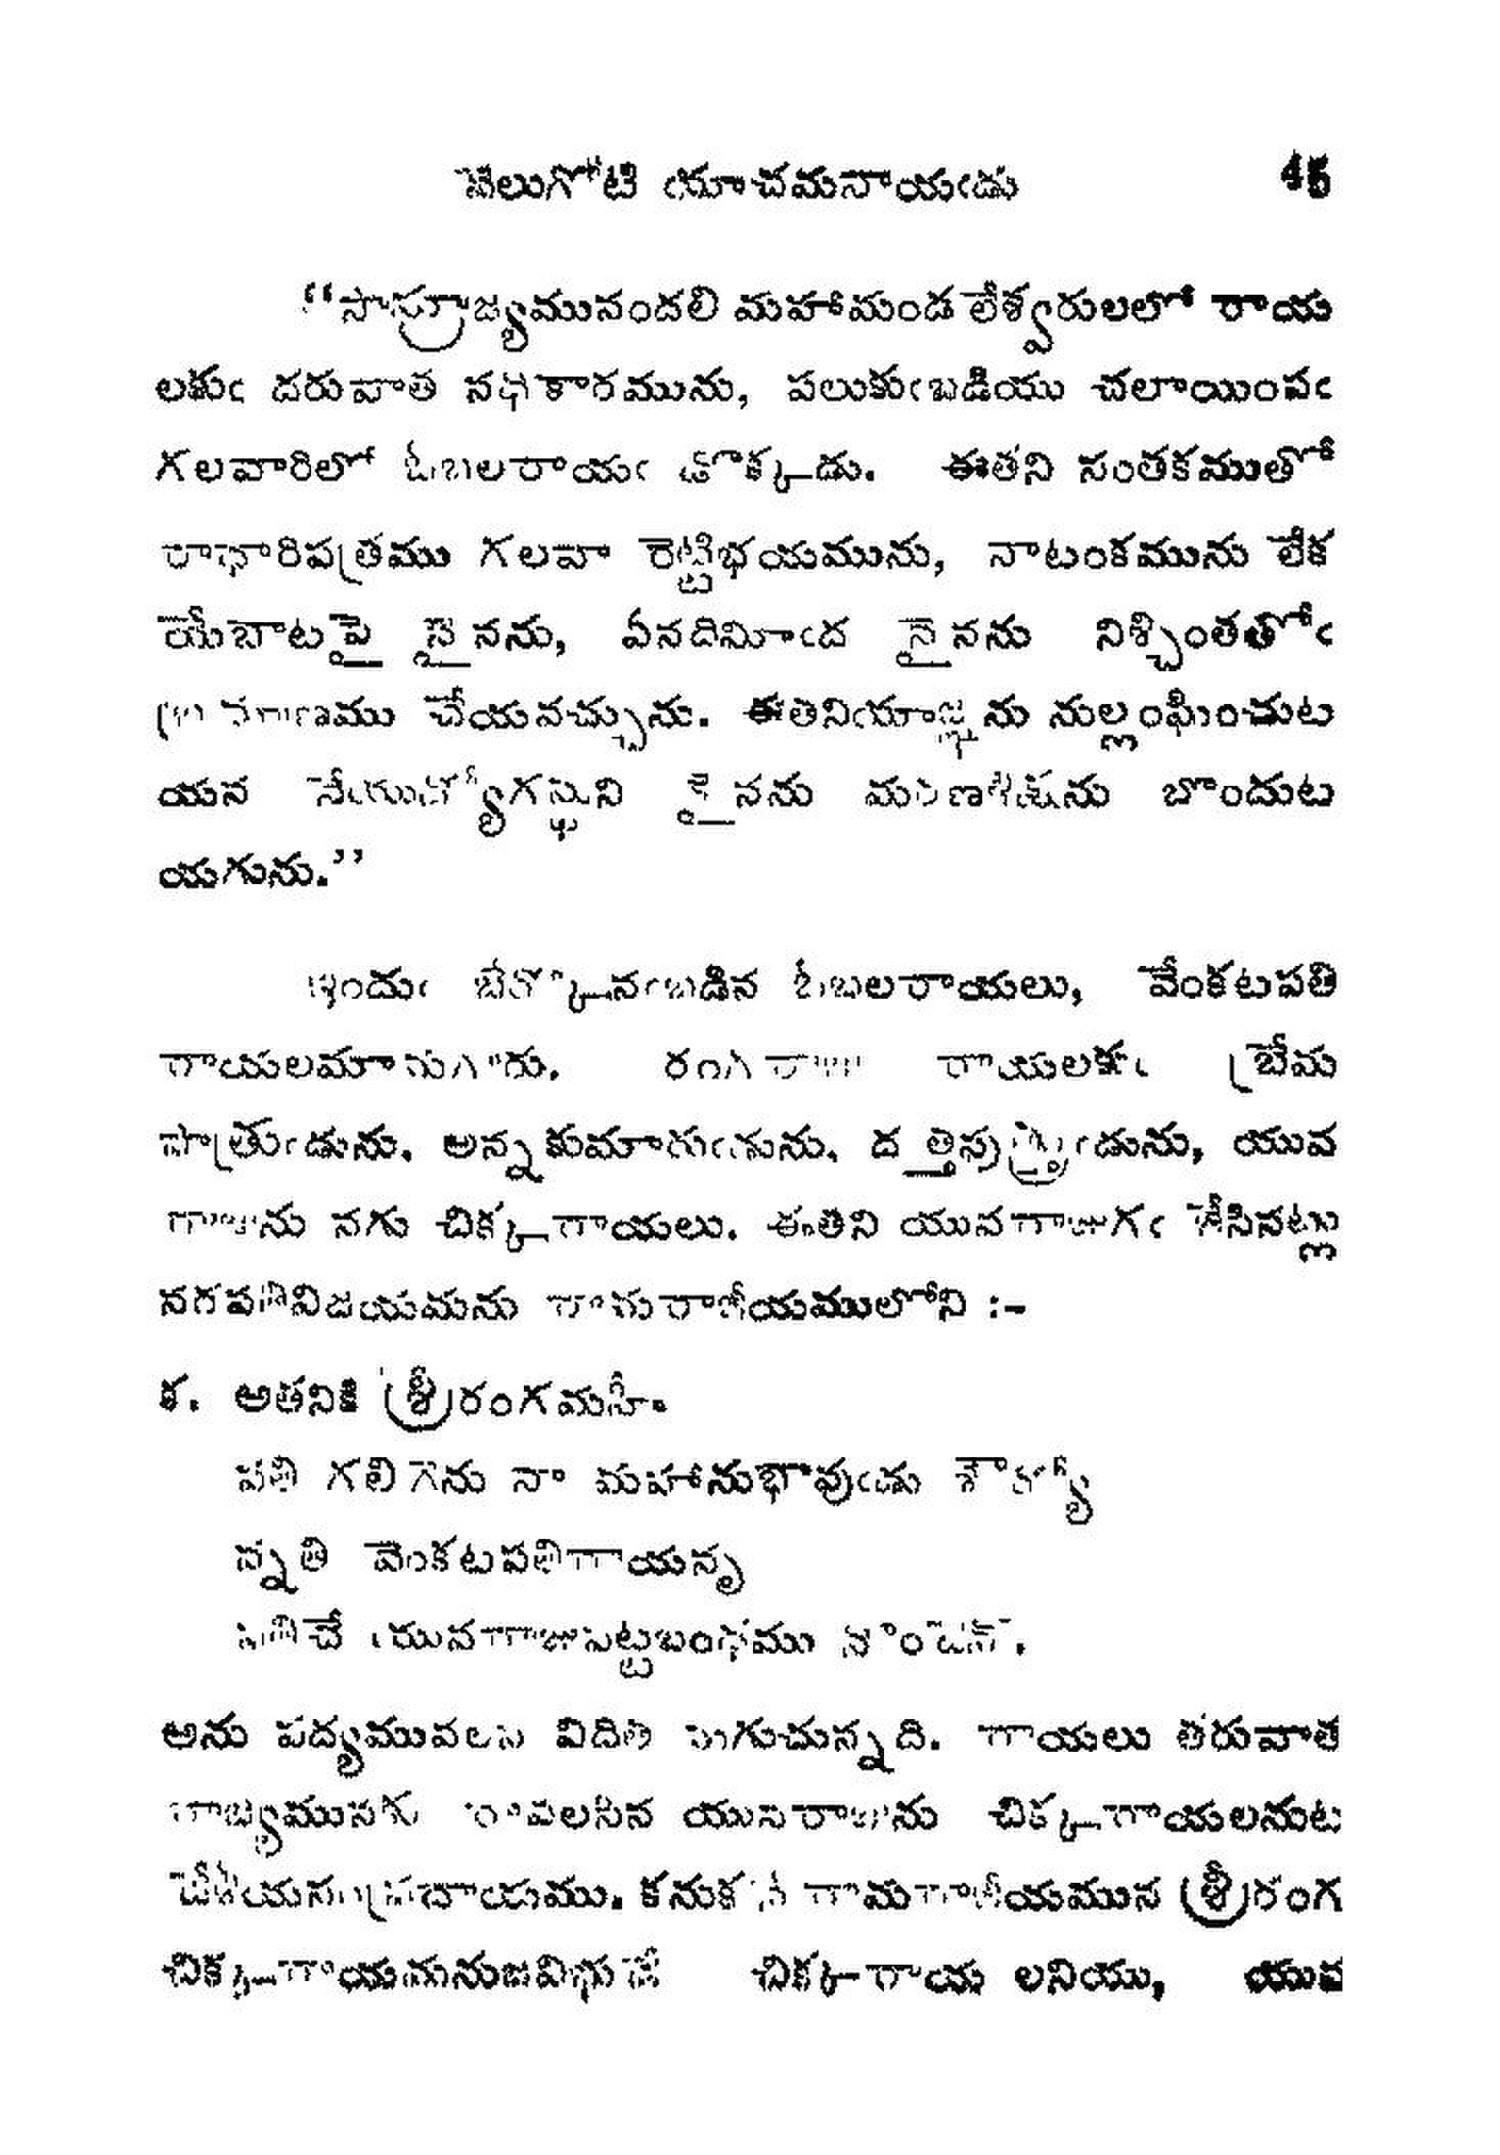"సామ్రాజ్యమునందలి మహామండలేశ్వరులలో రాయలకుఁ దరువాత నధికారమును, పలుకుఁబడియు చలాయింపఁ గలవారిలో ఓబలరాయఁ డొక్కడు. ఈతని సంతకముతో రాధారిపత్రము గలవా రెట్టిభయమును, నాటంకమును లేక యేబాటపై నైనను, ఏనదిమీఁద నైనను నిశ్చింతతోఁ బ్రయాణము చేయవచ్చును. ఈతనియాజ్ఞను నుల్లంఘించుట యన నేయుద్యోగస్థుని కైనను మరణశిక్షను బొందుట యగును."

ఇందుఁ బేర్కొనఁబడిన ఓబలరాయలు, వేంకటపతి రాయలమామగారు. రంగరాజు రాయలకుఁ బ్రేమ పాత్రుఁడును, అన్న కుమారుఁడును, దత్తపుత్రుఁడును, యువరాజును నగు చిక్కరాయలు. ఈతని యువరాజుగఁ జేసినట్లు నరపతివిజయమను రామరాజీయములోని :-

 క. అతనికి శ్రీరంగమహీ
 పతి గలిగెను నా మహానుభావుఁడు శౌర్యో
 న్నతి వెంకటపతిరాయనృ
 పతిచే యువరాజుపట్టబంధము నొందెన్.

అను పద్యమువలన విదిత మగుచున్నది. రాయలు తరువాత రాజ్యమునకు రావలసిన యువరాజును చిక్కరాయలనుట దేశీయసంప్రదాయము. కనుకనే రామరాజీయమున శ్రీరంగ చిక్కరాయమనుజవిభుడే చిక్కరాయ లనియు, యువ